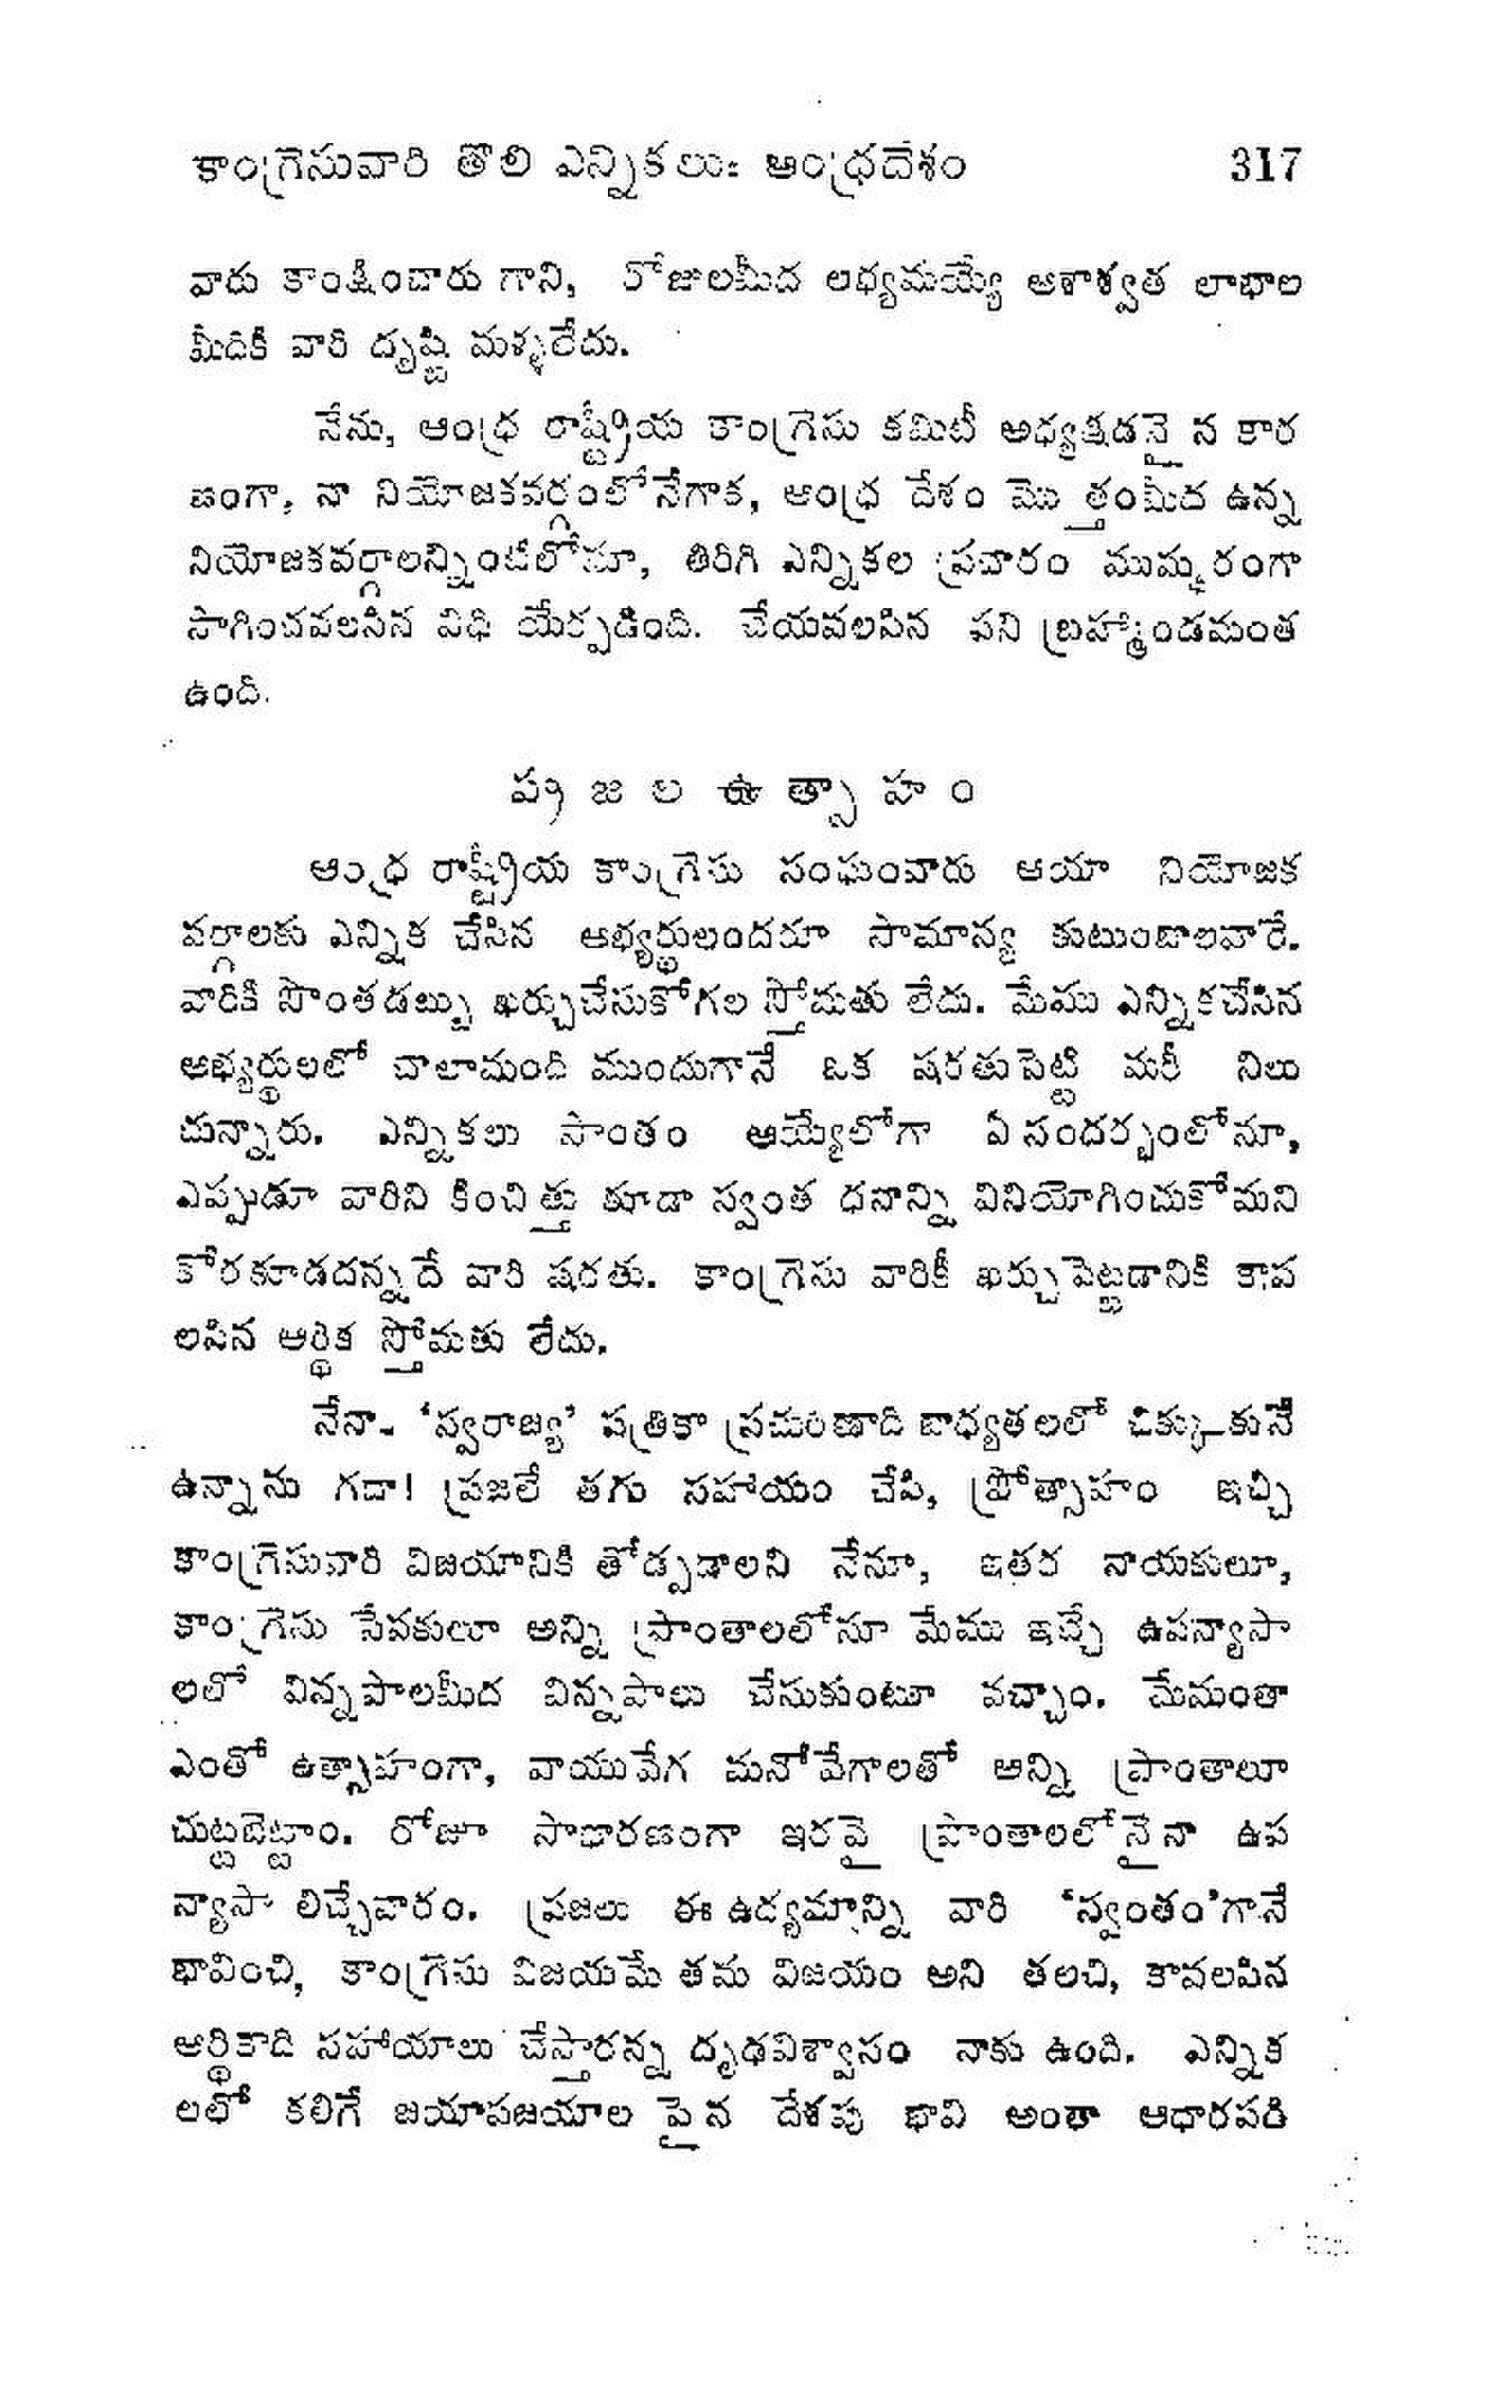వారు కాంక్షించారు గాని, రోజులమీద లభ్యమయ్యే అశాశ్వత లాభాల మీదికి వారి దృష్టి మళ్ళలేదు

నేను, ఆంధ్ర రాష్ట్రీయ కాంగ్రెసు కమిటీ అధ్యక్షడనైన కారణంగా, నా నియోజకవర్గంలోనేగాక, ఆంధ్ర దేశం మొత్తంమీద ఉన్న నియోజకవర్గాలన్నింటిలోనూ, తిరిగి ఎన్నికల ప్రచారం ముమ్మరంగా సాగించవలసిన విధి యేర్పడింది. చేయవలసిన పని బ్రహ్మాండమంత ఉంది.

ఆంధ్ర రాష్ట్రీయ కాంగ్రెసు సంఘంవారు ఆయా నియోజకవర్గాలకు ఎన్నిక చేసిన అభ్యర్థులందరూ సామాన్య కుటుంబాలవారే, వారికి సొంతడబ్బు ఖర్చుచేసుకోగల స్తోమతు లేదు. మేము ఎన్నికచేసిన అభ్యర్థులలో చాలామంది ముందుగానే ఒక షరతుపెట్టి మరీ నిలుచున్నారు. ఎన్నికలు సాంతం అయ్యేలోగా ఏ సందర్భంలోనూ, ఎప్పుడూ వారిని కించిత్తు కూడా స్వంత ధనాన్ని వినియోగించుకోమని కోరకూడదన్నదే వారి షరతు. కాంగ్రెసు వారికీ ఖర్చుపెట్టడానికి కావలసిన ఆర్థిక స్తోమతు లేదు.

నేనా-"స్వరాజ్య" పత్రిక ప్రచురణాది బాధ్యతలలో చిక్కుకునే ఉన్నాను గదా! ప్రజలే తగు సహాయం చేసి, ప్రోత్సాహం ఇచ్చి కాంగ్రెసువారి విజయానికి తోడ్పడాలని నేనూ, ఇతర నాయకులూ, కాంగ్రెసు సేవకులూ అన్ని ప్రాంతాలలోనూ మేము ఇచ్చే ఉపన్యాసాలలో విన్నపాలమీద విన్నపాలు చేసుకుంటూ వచ్చాం. మేమంతా ఎంతో ఉత్సాహంగా, వాయువేగ మనోవేగాలతో అన్ని ప్రాంతాలూ చుట్టబెట్టాం. రోజూ సాధారణంగా ఇరవై ప్రాంతాలలోనైనా ఉపన్యాసా లిచ్చేవారం. ప్రజలు ఈ ఉద్యమాన్ని వారి "స్వంతం"గానే భావించి, కాంగ్రెసు విజయమే తమ విజయం అని తలచి, కావలసిన ఆర్థికాది సహాయాలు చేస్తారన్న దృడవిశ్వాసం నాకు ఉంది. ఎన్నికలలో కలిగే జయాపజయాల పైన దేశపు భావి అంతా ఆధారపడి